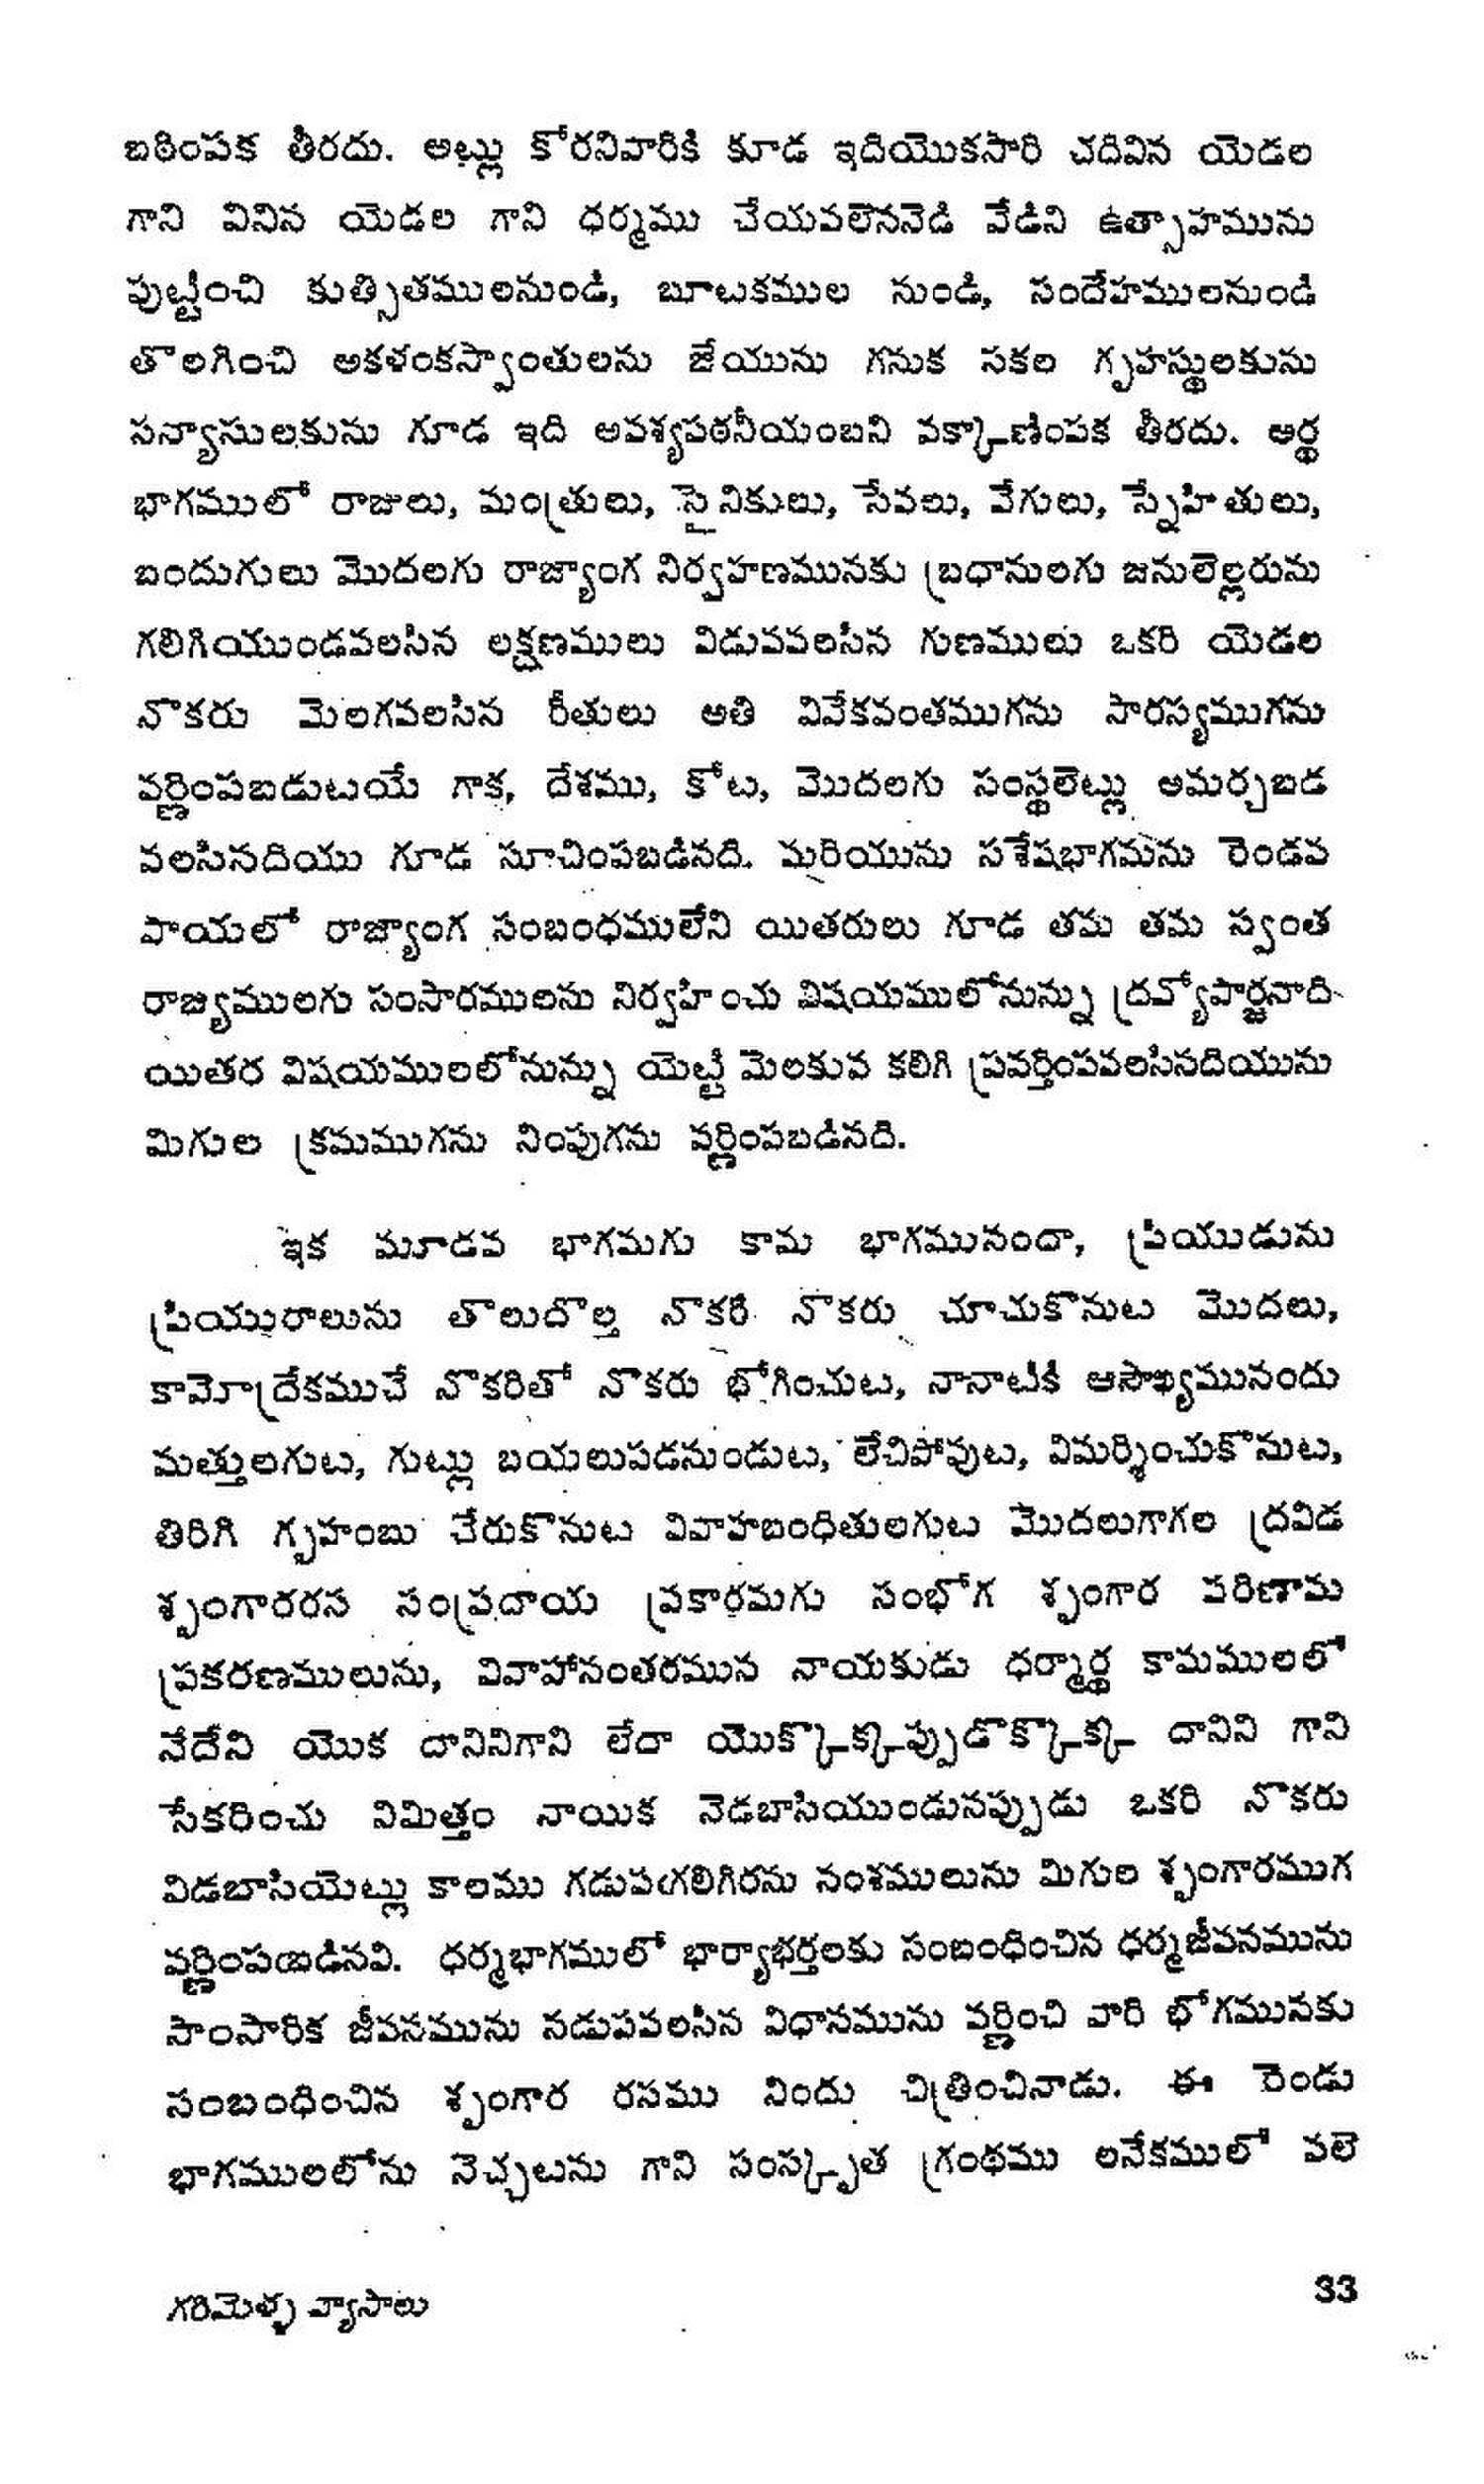బఠింపక తీరదు. అట్లు కోరనివారికి కూడ ఇదియొకసారి చదివిన యెడల గాని వినిన యెడల గాని ధర్మము చేయవలెననెడి వేడిని ఉత్సాహమును పుట్టించి కుత్సితములనుండి, బూటకముల నుండి, సందేహములనుండి తొలగించి అకళంకస్వాంతులను జేయును గనుక సకల గృహస్థులకును సన్యాసులకును గూడ ఇది అవశ్యపఠనీయంబని వక్కాణింపక తీరదు. అర్థ భాగములో రాజులు, మంత్రులు, సైనికులు, సేనలు, వేగులు, స్నేహితులు, బందుగులు మొదలగు రాజ్యాంగ నిర్వహణమునకు బ్రధానులగు జనులెల్లరును గలిగియుండవలసిన లక్షణములు విడువవలసిన గుణములు ఒకరి యెడల నొకరు మెలగవలసిన రీతులు అతి వివేకవంతముగను సారస్యముగను వర్ణింపబడుటయే గాక, దేశము, కోట, మొదలగు సంస్థలెట్లు అమర్చబడవలసినదియు గూడ సూచింపబడినది. మరియును సశేషభాగమను రెండవపాయలో రాజ్యాంగ సంబంధములేని యితరులు గూడ తమ తమ స్వంతరాజ్యములగు సంసారములను నిర్వహించు విషయములోనున్ను ద్రవ్యోపార్జవాది యితర విషయములలోనున్ను యెట్టి మెలకువ కలిగి ప్రవర్తింపవలసినదియును మిగుల క్రమముగను నింపుగను వర్ణింపంబడినది.

ఇక మూడవ భాగమగు కామ భాగమునందా, ప్రియుడును ప్రియురాలును తొలుదొల్త నొకరి నొకరు చూచుకొనుట మొదలు, కామోద్రేకముచే నొకరితో నొకరు భోగించుట, నానాటికి అసౌఖ్యమునందు మత్తులగుట, గుట్లు బయలుపడనుండుట, లేచిపోవుట, విమర్శించుకొనుట, తిరిగి గృహంబు చేరుకొనుట వివాహబంధితులగుట మొదలుగాగల ద్రవిడ శృంగారరస సంప్రదాయ ప్రకారమగు సంభోగ శృంగార పరిణామ ప్రకరణములును, వివాహానంతరమున నాయకుడు ధర్మార్థ కామములలో నేదేని యొక దానినిగాని లేదా యొక్కొక్కప్పుడొక్కక్క దానిని గాని సేకరించు నిమిత్తం నాయిక నెడబాసియుయుండునప్పుడు ఒకరి నొకరు విడబాసియెట్లు కాలము గడుపఁగలిగిరను నంశములును మిగుల శృంగారముగ వర్ణింపఁబడినవి. ధర్మభాగములో భార్యాభర్తలకు సంబంధించిన ధర్మజీవనమును సాంసారిక జీవనమును నడుపవలసిన విధానమును వర్ణింఛి వారి భోగమునకు సంబంధించిన శృంగార రసము నిందు చిత్రించినాడు.ఈ రెండు భాగములలోను నెచ్చటను గాని సంస్కృత గ్రంథము లనేకములో వలె